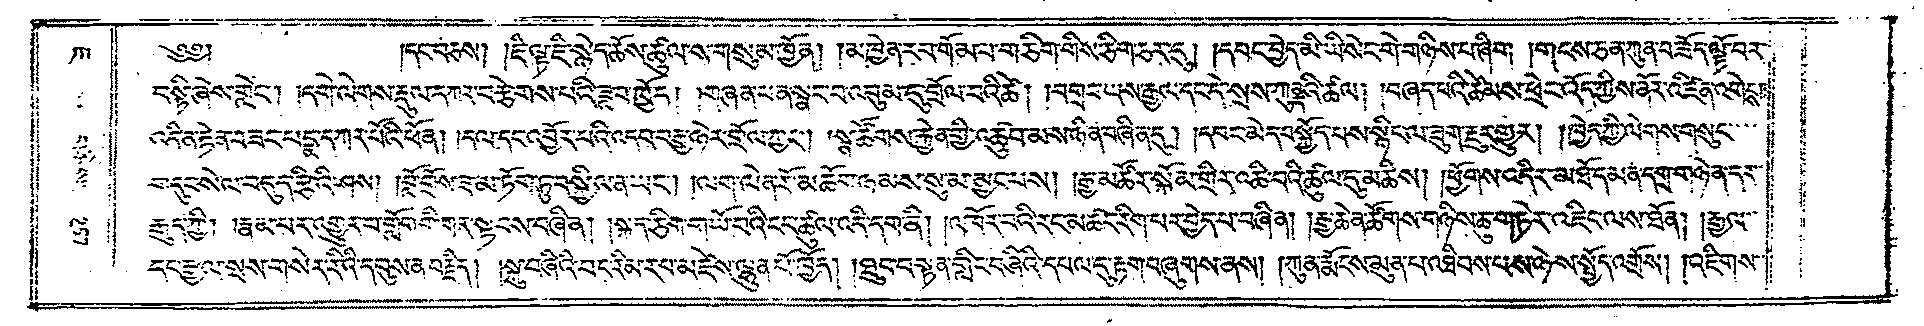༄༅། །དང་བཅས། །ཇི་ལྟ་ཇི་སྙེད་ཆོས་ཚུལ་ས་གསུམ་ཁྱོན། །མཁྱེན་རབ་གོམ་པ་གཅིག་གིས་ཅིག་ཅར་དུ། །དབང་བྱེད་མི་ཡི་སེང་གེ་གཉིས་པ་ཞིག །གངས་ཅན་ཀུན་བཟོད་ལྟོ་བར་
བསྟི་ཞེས་གླེང་། །དགེ་ལེགས་རྡུལ་དཀར་བརྩེགས་པའི་ཟླ་བ་ཁྱོད། །གཞན་ཕན་སྣང་བ་འབུམ་དུ་གྲོལ་བའི་ཚེ། །བགྲང་ཡས་རྒྱལ་དང་དེ་སྲས་ཀུནྡའི་ཚལ། །བཞད་པའི་ཚེམས་ཕྲེང་འོད་ཀྱིས་ནོར་འཛིན་འགེངས། །
འདི་ན་རྟེན་བཟང་པདམ་དཀར་པོའི་ཕོན། །དལ་དང་འབྱོར་པའི་འདབ་བརྒྱ་ཉེར་གྲོལ་ཀྱང་། །སྣ་ཚོགས་རྐྱེན་གྱི་འཚུབ་མས་ཉིན་བཞིན་དུ། །དབང་མེད་བསྐྱོད་པས་སྙིང་ལ་ཟུག་རྔུར་གྱུར། །ཁྱེད་ཀྱི་ལེགས་གསུང་
གདུང་སེལ་བདུད་རྩིའི་ཤས། །བློ་གྲོས་ཟ་མ་ཏོག་ཏུ་བསྐྱིལ་ན་ཡང་། །ལག་ལེན་རོ་མཆོག་ཉམས་སུ་མ་མྱང་པས། །རྒྱ་མཚོར་སྐོམ་གྲིར་འཆི་བའི་ཚུལ་དུ་མཆིས། །ཕྱོགས་འདིར་མཐོ་དམན་དགྲ་གཉེན་དར་
རྒུད་ཀྱི། །རྣམ་པར་འགྱུར་བ་གློག་གི་གར་སྟབས་བཞིན། །སྐད་ཅིག་གཡོ་བའི་ངང་ཚུལ་འདི་དག་ནི། །འཁོར་བའི་རང་མཚང་རིག་པར་བྱེད་པ་བཞིན། །རྒྱ་ཆེན་ཚོགས་གཉིས་ཆུ་གཏེར་འཇིང་ལས་ཐོན། །རྒྱལ་
དང་རྒྱལ་སྲས་གསེར་རིའི་དབུས་ན་བརྗིད། །སྐུ་བཞིའི་བང་རིམ་རབ་མཛེས་ལྷུན་པོ་ཁྱོད། །ཐུབ་བསྟན་གླིང་བཞིའི་དཔལ་དུ་རྟག་བཞུགས་ནས། །ཀུན་རྨོངས་མུན་པ་འཐིབས་པས་ཉེས་སྤྱོད་འགྲོས། །འཇིགས་